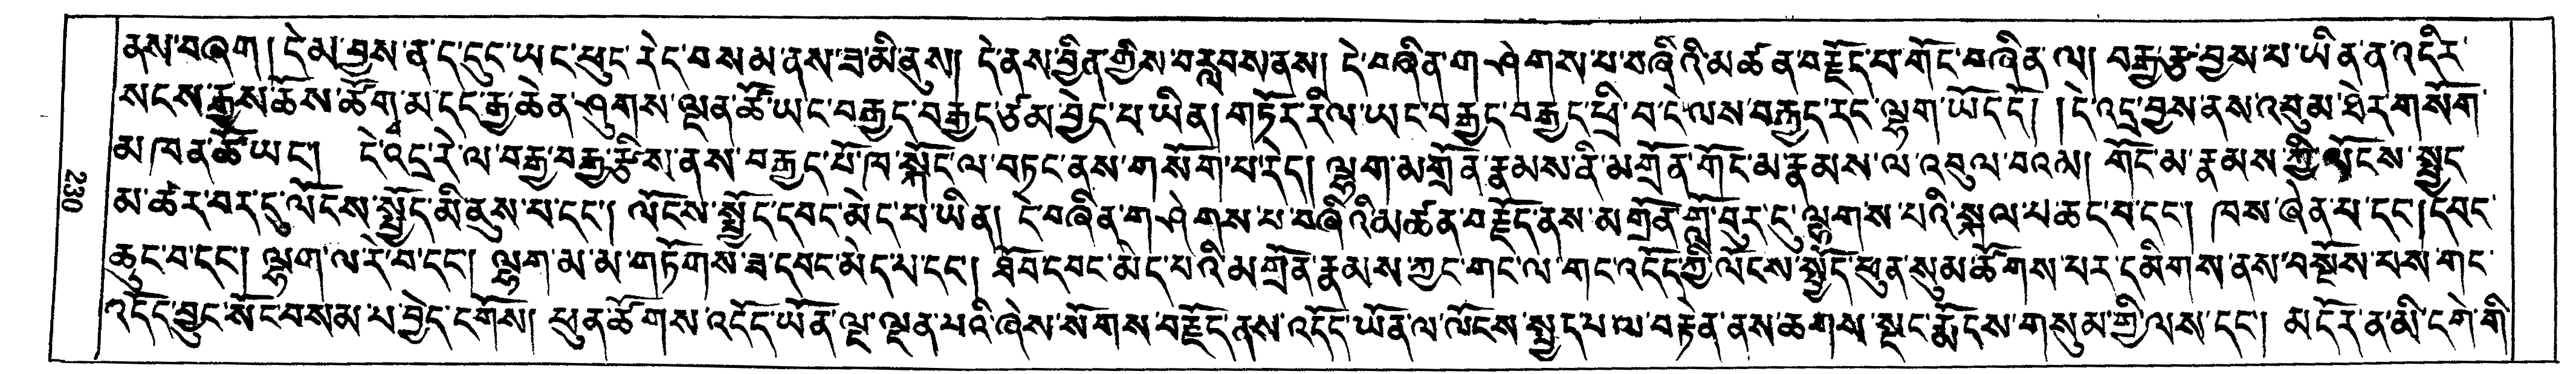ནས་བཞག། དེ་མ་བྱས་ན་ད་དུང་ཡང་ཕུད་རེད་བསམ་ནས་ཟ་མི་ནུས། དེ་ནས་བྱིན་གྱིས་བརླབས་ནས། དེ་བཞིན་གཤེགས་པ་བཞིའི་མཚན་བརྗོད་པ་གོང་བཞིན་ལ། བརྒྱ་རྩ་བྱས་པ་ཡིན་ན་འདིར་
སངས་རྒྱས་ཆོས་ཚོགས་མ་དང་རྒྱ་ཆེན་ཤུགས་ལྡན་ཚོ་ཡང་བརྒྱད་བརྒྱད་ཙམ་བྱེད་པ་ཡིན། གཏོར་རིལ་ཡང་བརྒྱད་བརྒྱད་ཕྲི་བ་དེ་ལས་བརྒྱད་རང་ལྷག་ཡོང་ངོ། །དེ་འདྲ་བྱས་ནས་འབུམ་ཐེར་གསོག་
མཁན་ཚོ་ཡང་། དེ་འདྲ་རེ་ལ་བརྒྱ་བརྒྱ་རྩིས་ནས་བརྒྱད་པོ་ཁ་སྐོང་ལ་བཏང་ནས་གསོག་པ་རེད། ལྷག་མགྲོན་རྣམས་ནི་མགྲོན་གོང་མ་རྣམས་ལ་འབུལ་བའམ། གོང་མ་རྣམས་ཀྱི་ལོངས་སྤྱད་
མ་ཚར་བར་དུ་ལོངས་སྤྱོད་མི་ནུས་པ་དང་། ལོངས་སྤྱོད་དབང་མེད་པ་ཡིན། དེ་བཞིན་གཤེགས་པ་བཞིའི་མཚན་བརྗོད་ནས་མགྲོན་གློ་བུར་དུ་ལྷགས་པའི་སྐལ་བ་ཆད་པ་དང་། ཁས་ཞན་པ་དང་། དབང་
ཆུང་བ་དང་། ལྷག་ལ་རེ་བ་དང་། ལྷག་མ་མ་གཏོགས་ཟ་དབང་མེད་པ་དང་། ཐོབ་དབང་མེད་པའི་མགྲོན་རྣམས་ཀྱང་གང་ལ་གང་འདོད་ཀྱི་ལོངས་སྤྱོད་ཕུན་སུམ་ཚོགས་པར་དམིགས་ནས་བསྔོས་པས་གང་
འདོད་བྱུང་སོང་བསམ་པ་བྱེད་དགོས། ཕུན་ཚོགས་འདོད་ཡོན་ལྔ་ལྡན་པའི་ཞེས་སོགས་བརྗོད་ནས། འདོད་ཡོན་ལ་ལོངས་སྤྱད་པ་ལ་བརྟེན་ནས་ཆགས་སྡང་རྨོངས་གསུམ་གྱི་ལས་དང་། མདོར་ན་མི་དགེ་བའི་